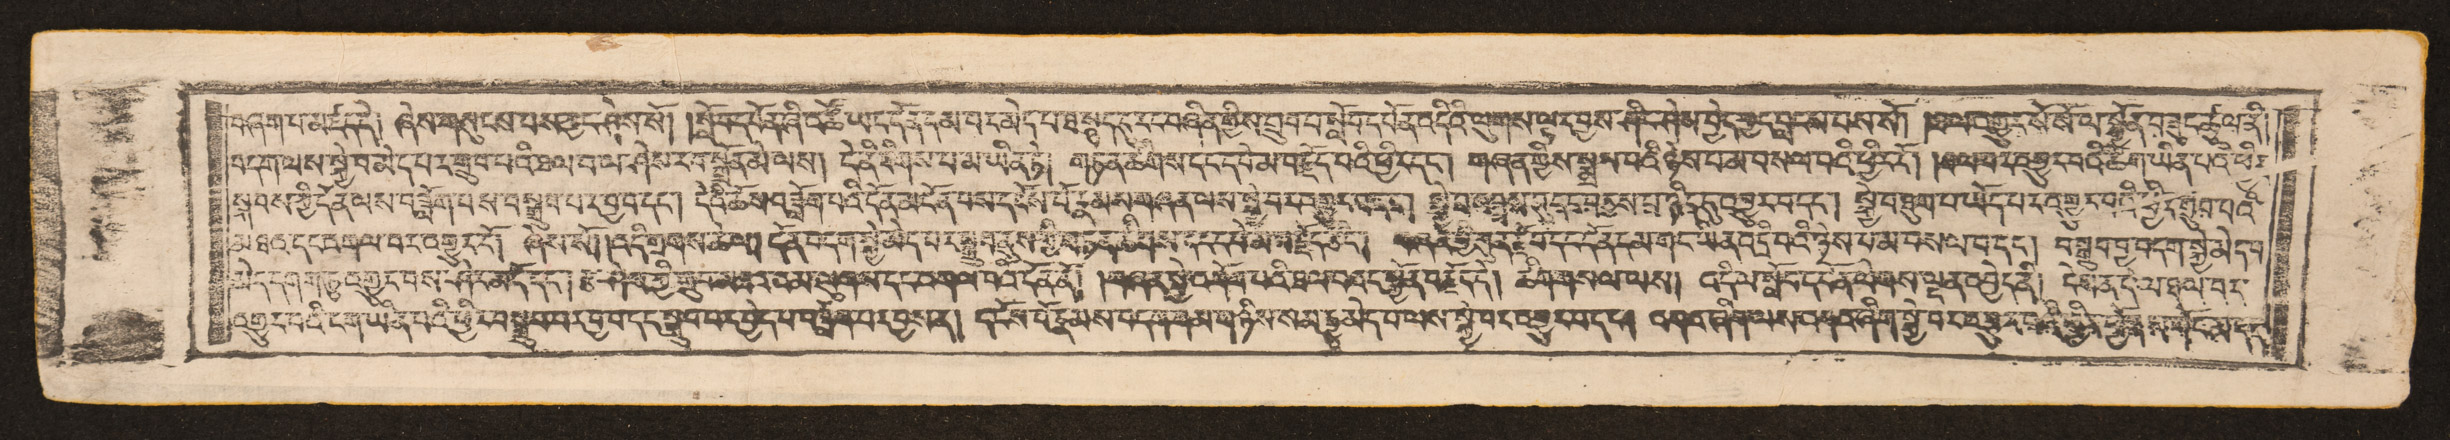བཞག་པ་མཛད་དེ༑ ཞེས་གསུངས་པས་ཀྱང་ཤེས་སོ། །སློབ་དཔོན་ཞི་འཚོ་ཡང་དོན་དམ་པར་མེད་པ་ཐ་སྙད་དུ་རང་བཞིན་གྱིས་གྲུབ་པ་སློབ་དཔོན་འདིའི་ལུགས་ལྟར་བྱས་ཤིང་ཤེས་བྱེད་ཀྱང་བླངས་པས་སོ། །ཐལ་འགྱུར་སོ་སོ་ལ་སྐྱོན་བཟུང་ཚུལ་ནི།
བདག་ལས་སྐྱེ་བ་མེད་པར་གྲུབ་པའི་ཐལ་བ་ལ་ཤེས་རབ་སྒྲོན་མེ་ལས། དེ་ནི་རིགས་པ་མ་ཡིན་ཏེ། གཏན་ཚིགས་དང་དཔེ་མ་བརྗོད་པའི་ཕྱིར་དང་། གཞན་གྱིས་སྨྲས་པའི་ཉེས་པ་མ་བསལ་བའི་ཕྱིར་རོ། །ཐལ་བར་འགྱུར་བའི་ཚིག་ཡིན་པའི་ཕྱིར་
སྐབས་ཀྱི་དོན་ལས་བཟློག་པས་བསྒྲུབ་པར་བྱ་བ་དང་། དེའི་ཆོས་བཟློག་པའི་དོན་མངོན་པས་དངོས་པོ་རྣམས་གཞན་ལས་སྐྱེ་བར་འགྱུར་བ་དང་། སྐྱེ་བ་འབྲས་བུ་དང་བཅས་པ་ཉིད་དུ་འགྱུར་བ་དང་། སྐྱེ་བ་ཐུག་པ་ཡོད་པར་འགྱུར་བའི་ཕྱིར་གྲུབ་པའི་
མཐའ་དང་འགལ་བར་འགྱུར་རོ། ཞེས་སོ། །འདི་གྲགས་ཆེ་ལ། དོན་བདག་སྐྱེ་མེད་པར་སྒྲུབ་ནུས་ཀྱི་གཏན་ཚིགས་དང་དཔེ་མ་བརྗོད་ཅིང་། གཞན་གྱི་ཀུན་རྫོབ་དང་དོན་དམ་གང་ཡིན་འདྲི་བའི་ཉེས་པ་མ་བསལ་བ་དང་། བསྒྲུབ་བྱ་བདག་སྐྱེ་མེད་པ་
མེད་དགག་ཏུ་འགྱུར་བས་ཤེར་མདོ་དང་། རྩ་ཤེས་ཀྱི་གྲུབ་མཐའ་འམ་ལུགས་དང་འགལ་བའི་དོན་ནོ། །གཞན་སྐྱེ་འགོག་པའི་ཐལ་བའང་སྐྱོན་བརྗོད་དེ། ཚིག་གསལ་ལས། འདི་ལ་སློབ་དཔོན་ལེགས་ལྡན་འབྱེད་ནི། དེས་ན་དེ་ལ་ཐལ་བར་
འགྱུར་བའི་ངག་ཡིན་པའི་ཕྱིར་བསྒྲུབ་པར་བྱ་བ་དང་སྒྲུབ་པར་བྱེད་པ་བཟློག་པར་བྱས་ན། དངོས་པོ་རྣམས་བདག་གམ་གཉིས་སམ་རྒྱུ་མེད་པ་ལས་སྐྱེ་བར་འགྱུར་བ་དང་། འགའ་ཞིག་ལས་འགའ་ཞིག་སྐྱེ་བར་འགྱུར་བའི་ཕྱིར་ཕྱོགས་གོང་མ་དང་